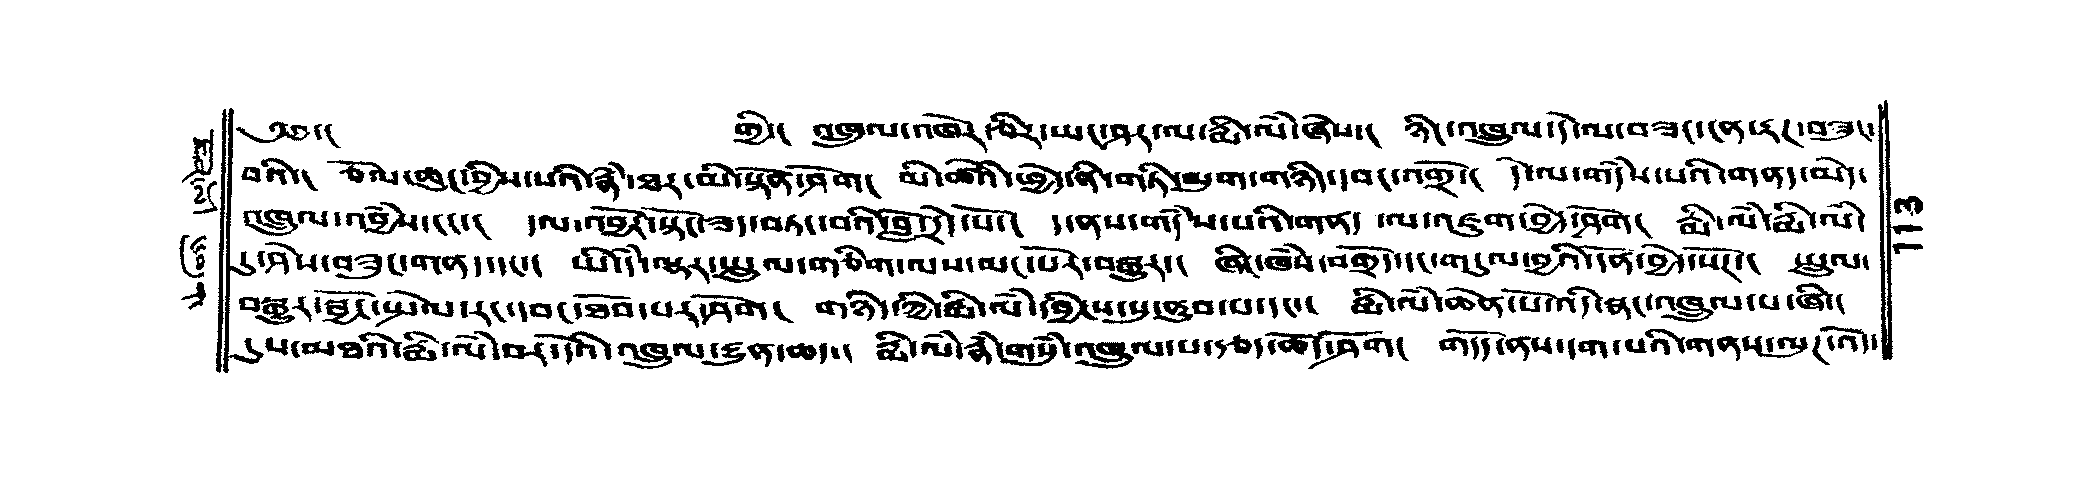གྱི། །འཁྲུལ་འཁོར་ཅིར་ཡང་ཤར་ལ་རྨི་ལམ་ཞེས། །ཉིང་འཁྲུལ་དེ་ལ་བཟང་ངན་རྟགས་བཟུང་
བའི། །ཅོལ་ཆུང་བྱིས་པའི་རྣམ་ཐར་མི་སྟོན་ཤོག །མི་ཚེའི་ཕྱེད་ནི་གཏི་མུག་གཉིད་དབང་འགྲོ། །དེ་ལ་གདམས་པའི་གནད་མེད་
འཁྲུལ་འབྱམས་ངང་། །དལ་འབྱོར་སྟོང་ཟད་གཏོང་བའི་བློ་དྲེད་པོ། །ད་ནས་གདམས་པའི་གནས་ལ་འཇུག་བྱེད་ཤོག །རྨི་ལམ་རྨི་ལམ་
དུ་ཤེས་བཟུང་གནད་དང་། །ཡི་དམ་ལྷར་སྤྲུལ་གཅིག་ལས་མང་པོར་བསྒྱུར། །ཞིང་ཁམས་བགྲོད་དང་གདུལ་བྱའི་དོན་བྱེད་སོགས། །སྤྲུལ་
བསྒྱུར་སྦྱོང་སྤེལ་རང་དབང་ཐོབ་པར་ཤོག །གཉིད་ཀྱི་རྨི་ལམ་དབྱིངས་སུ་ནུབ་པ་དང་། །རྨི་ལམ་ཆེན་པོ་འདི་སྣང་འཁྲུལ་པ་ཞི། །
དུས་མཐའི་རྨི་ལམ་བར་དོའི་འཁྲུལ་རྒྱུན་ཆད། །རྨི་ལམ་རྣམ་གསུམ་འཁྲུལ་པ་རྩད་ཆོད་ཤོག །གདོད་ནས་དག་པའི་གནས་ལུགས་འོད་